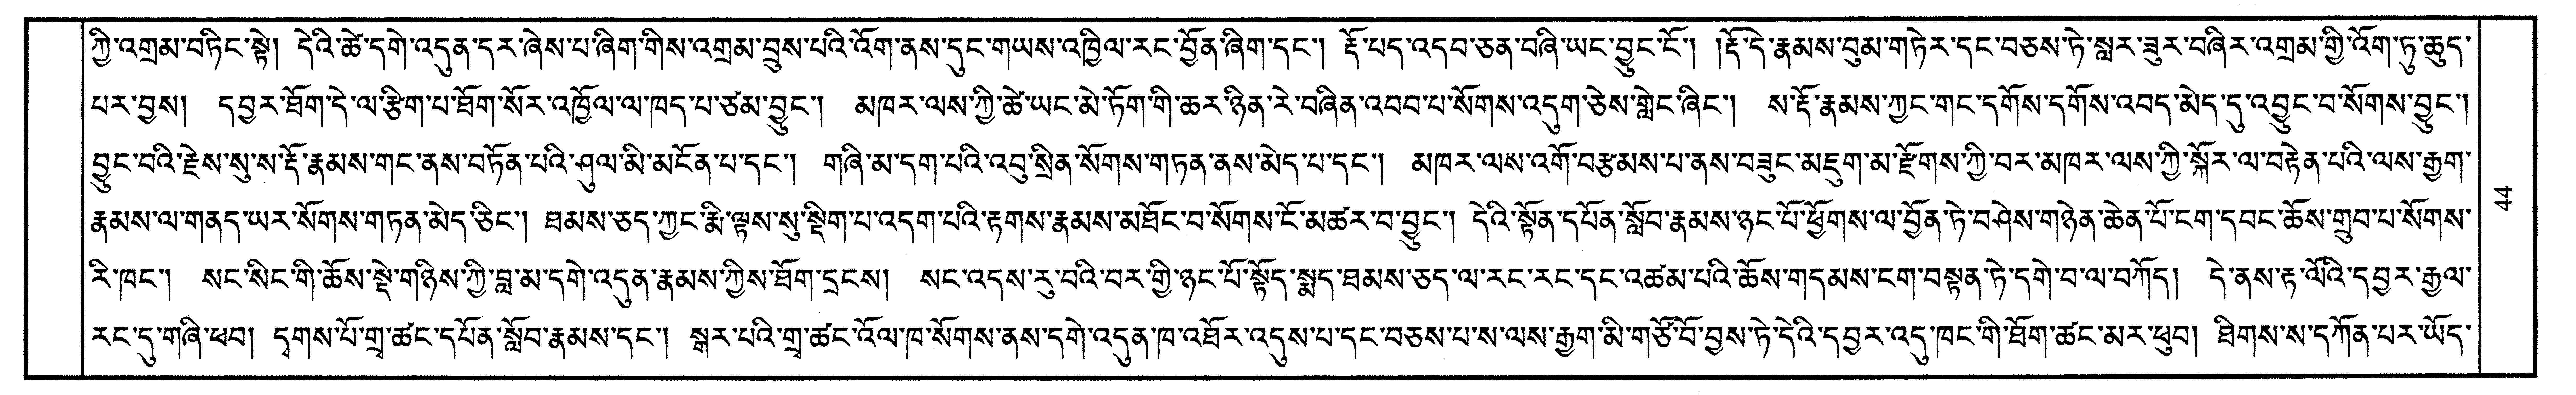ཀྱི་འགྲམ་བཏིང་སྟེ། དེའི་ཚེ་དགེ་འདུན་དར་ཞེས་པ་ཞིག་གིས་འགྲམ་བྲུས་པའི་འོག་ནས་དུང་གཡས་འཁྱིལ་རང་བྱོན་ཞིག་དང་། རྡོ་པད་འདབ་ཅན་བཞི་ཡང་བྱུང་ངོ། །རྡོ་དེ་རྣམས་བུམ་གཏེར་དང་བཅས་ཏེ་སླར་ཟུར་བཞིར་འགྲམ་གྱི་འོག་ཏུ་ཆུད་
པར་བྱས། དབྱར་ཐོག་དེ་ལ་རྩིག་པ་ཐོག་སོར་འཁྱོལ་ལ་ཁད་པ་ཙམ་བྱུང་། མཁར་ལས་ཀྱི་ཚེ་ཡང་མེ་ཏོག་གི་ཆར་ཉིན་རེ་བཞིན་འབབ་པ་སོགས་འདུག་ཅེས་གླེང་ཞིང་། ས་རྡོ་རྣམས་ཀྱང་གང་དགོས་དགོས་འབད་མེད་དུ་འབྱུང་བ་སོགས་བྱུང་།
བྱུང་བའི་རྗེས་སུ་ས་རྡོ་རྣམས་གང་ནས་བཏོན་པའི་ཤུལ་མི་མངོན་པ་དང་། གཞི་མ་དག་པའི་འབུ་སྲིན་སོགས་གཏན་ནས་མེད་པ་དང་། མཁར་ལས་འགོ་བརྩམས་པ་ནས་བཟུང་མཇུག་མ་རྫོགས་ཀྱི་བར་མཁར་ལས་ཀྱི་སྐོར་ལ་བརྟེན་པའི་ལས་རྒྱག་
རྣམས་ལ་གནད་ཡར་སོགས་གཏན་མེད་ཅིང་། ཐམས་ཅད་ཀྱང་རྨི་ལྟས་སུ་སྡིག་པ་འདག་པའི་རྟགས་རྣམས་མཐོང་བ་སོགས་ངོ་མཚར་བ་བྱུང་། དེའི་སྟོན་དཔོན་སློབ་རྣམས་ཉང་པོ་ཕྱོགས་ལ་བྱོན་ཏེ་བཤེས་གཉེན་ཆེན་པོ་ངག་དབང་ཆོས་གྲུབ་པ་སོགས་
རི་ཁང་། སང་སིང་གི་ཆོས་སྡེ་གཉིས་ཀྱི་བླ་མ་དགེ་འདུན་རྣམས་ཀྱིས་ཐོག་དྲངས། སང་འདས་རུ་བའི་བར་གྱི་ཉང་པོ་སྟོད་སྨད་ཐམས་ཅད་ལ་རང་རང་དང་འཚམ་པའི་ཆོས་གདམས་ངག་བསྟན་ཏེ་དགེ་བ་ལ་བཀོད། དེ་ནས་རྟ་ལོའི་དབྱར་རྒྱལ་
རང་དུ་གཞི་ཕབ། དྭགས་པོ་གྲྭ་ཚང་དཔོན་སློབ་རྣམས་དང་། སྒར་པའི་གྲྭ་ཚང་འོལ་ཁ་སོགས་ནས་དགེ་འདུན་ཁ་འཐོར་འདུས་པ་དང་བཅས་པ་ས་ལས་རྒྱག་མི་གཙོ་བོ་བྱས་ཏེ་དེའི་དབྱར་འདུ་ཁང་གི་ཐོག་ཚང་མར་ཕུབ། ཐིགས་ས་དཀོན་པར་ཡོད་